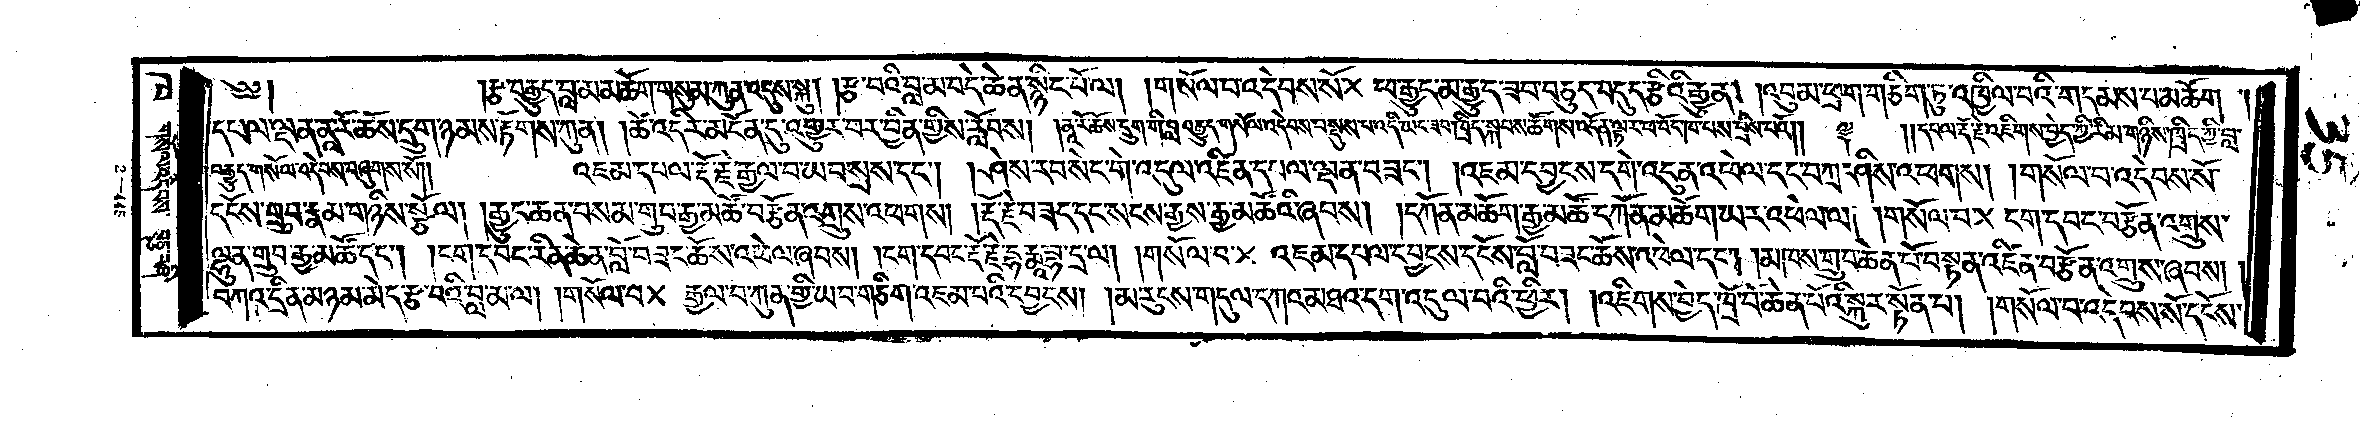༄༅། །རྩ་བརྒྱུད་བླ་མ་མཆོག་གསུམ་ཀུན་འདུས་སྐུ། །རྩ་བའི་བླ་མ་བདེ་ཆེན་སྙིང་པོ་ལ། །གསོལ་བ་འདེབས་སོ་྾་ཕ་རྒྱུད་མ་རྒྱུད་ཟབ་བཅུད་བདུད་རྩིའི་རྒྱུན། །འབུམ་ཕྲག་གཅིག་ཏུ་འཁྱིལ་བའི་གདམས་པ་མཆོག །
དཔལ་ལྡན་ནཱ་རོ་ཆོས་དྲུག་ཉམས་རྟོགས་ཀུན། །ཚེ་འདིར་མངོན་དུ་འགྱུར་བར་བྱིན་གྱིས་རློབས། །ནཱ་རོ་ཆོས་དྲུག་གི་བླ་བརྒྱུད་གསོལ་འདེབས་བསྡུས་པ་འདི་ཡང་ཟབ་ཁྲིད་སྐབས་ཚོགས་འདོན་ལྟར་ཕ་བོང་ཁ་པས་བྲིས་པའོ།། ༈ །།དཔལ་རྡོ་རྗེ་འཇིགས་བྱེད་ཀྱི་རིམ་གཉིས་ཁྲིད་ཀྱི་བླ་
བརྒྱུད་གསོལ་འདེབས་བཞུགས་སོ།། འཇམ་དཔལ་རྡོ་རྗེ་རྒྱལ་བ་ཡབ་སྲས་དང་། །ཤེས་རབ་སེང་གེ་འདུལ་འཛིན་དཔལ་ལྡན་བཟང་། །འཇམ་དབྱངས་དགེ་འདུན་འཕེལ་དང་བཀྲ་ཤིས་འཕགས། །གསོལ་བ་འདེབས་སོ་
དངོས་གྲུབ་རྣམ་གཉིས་སྩོལ། །རྒྱུད་ཆན་བསམ་གྲུབ་རྒྱ་མཚོ་བརྩོན་འགྲུས་འཕགས། །རྡོ་རྗེ་བཟང་དང་སངས་རྒྱས་རྒྱ་མཚོའི་ཞབས། །དཀོན་མཆོག་རྒྱ་མཚོ་དཀོན་མཆོག་ཡར་འཕེལ་ལ། །གསོལ་བ་྾་ངག་དབང་བརྩོན་འགྲུས་
ལྷུན་གྲུབ་རྒྱ་མཚོ་དང་། །ངག་དབང་རིན་ཆེན་བློ་བཟང་ཆོས་འཕེལ་ཞབས། །ངག་དབང་རྡོ་རྗེ་དྷརྨཱ་བྷ་དྲ་ལ། །གསོལ་བ་྾་འཇམ་དཔལ་དབྱངས་དངོས་བློ་བཟང་ཆོས་འཕེལ་དང་། །མཁས་གྲུབ་ཆེན་པོ་བསྟན་འཛིན་བརྩོན་འགྲུས་ཞབས། །
བཀའ་དྲིན་མཉམ་མེད་རྩ་བའི་བླ་མ་ལ། །གསོལ་བ་྾་རྒྱལ་བ་ཀུན་གྱི་ཡབ་གཅིག་འཇམ་པའི་དབྱངས། །མ་རུངས་གདུལ་དཀའ་མཐའ་དགེ་འདུལ་བའི་ཕྱིར། །འཇིགས་བྱེད་ཁྲོ་བོ་ཆེན་པོའི་སྐུར་སྟོན་པ། །གསོལ་བ་འདེབས་སོ་དངོས་